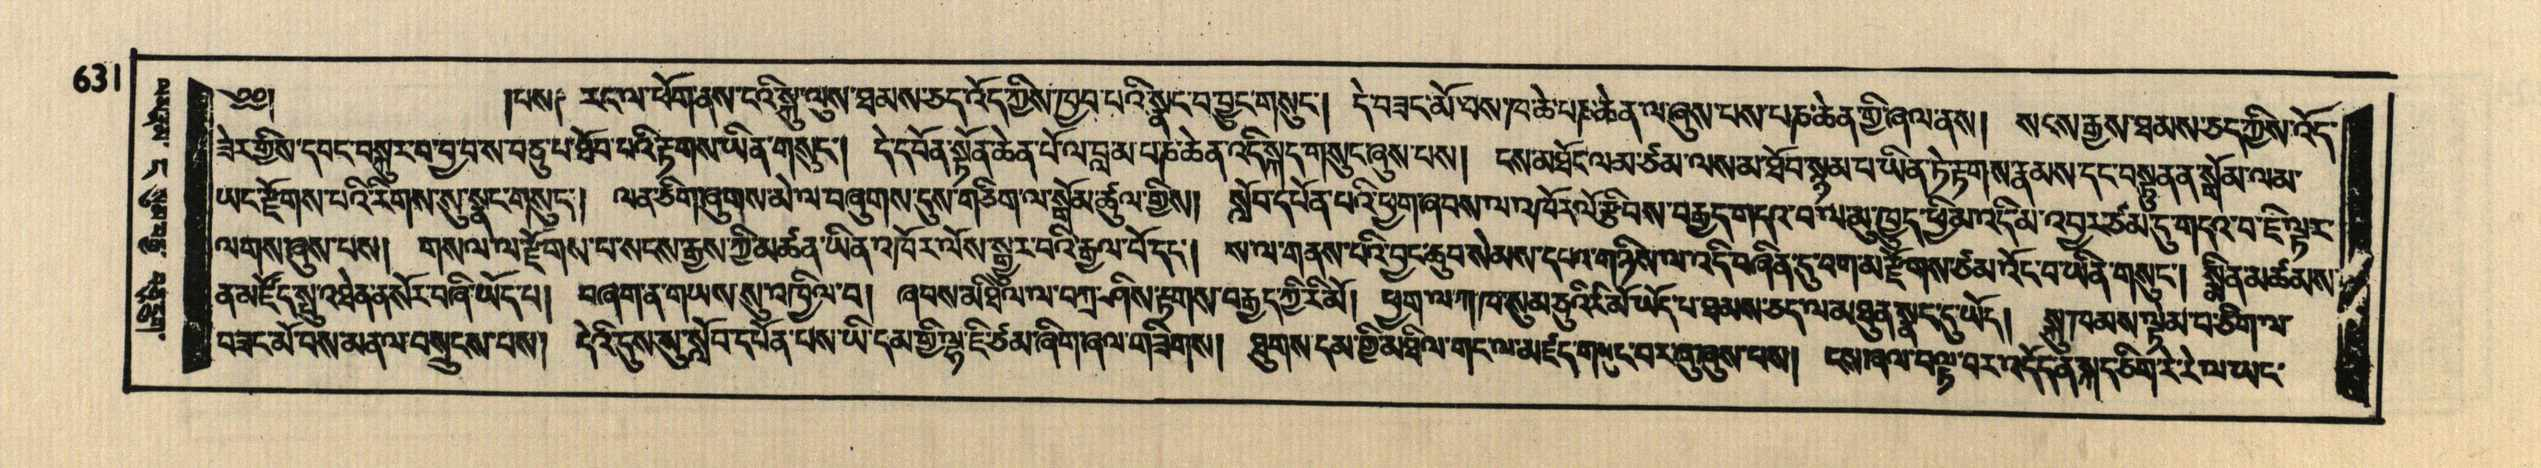༄༅། །པས༑ རང་ལ་ཕོག་ནས་ངའི་སྐུ་ལུས་ཐམས་ཅད་འོད་ཀྱིས་ཁྱབ་པའི་སྣང་བ་བྱུང་གསུང་། དེ་བཟང་མོ་བས་ཁ་ཆེན་པཎ་ཆེན་ལ་ཞུས་པས་པཎ་ཆེན་གྱི་ཞལ་ནས། སངས་རྒྱས་ཐམས་ཅད་ཀྱིས་འོད་
ཟེར་གྱིས་དབང་བསྐུར་བ་བྱ་བ་ས་བཅུ་པ་ཐོབ་པའི་རྟགས་ཡིན་གསུང་། དེ་དབོན་སྟོན་ཆེན་པོ་ལ་བླ་མ་པཎ་ཆེན་འདི་སྐད་གསུང་ཞུས་པས། ངས་མཐོང་ལམ་ཙམ་ལས་མ་ཐོབ་སྙམ་པ་ཡིན་ཏེ་རྟགས་རྣམས་དང་བསྟུན་ན་སྒོམ་ལམ་
ཡང་རྫོགས་པའི་རིགས་སུ་སྣང་གསུང་། ལན་ཅིག་ཞུགས་མེ་ལ་བཞུགས་དུས་གཅིག་ལ་སྒོམ་ཚུལ་གྱིས། སློབ་དཔོན་པའི་ཕྱག་ཞབས་ལ་འཁོར་ལོ་རྩིབས་བརྒྱད་གདའ་བ་ལ་མུ་ཁྱུད་ཕྱི་མ་འདི་མ་འབྱར་ཙམ་དུ་གདའ་བ་ཇི་ལྟར་
ལགས་ཞུས་པས། གསལ་ལ་རྫོགས་པ་སངས་རྒྱས་ཀྱི་མཚན་ཡིན་འཁོར་ལོས་སྒྱུར་བའི་རྒྱལ་བོ་དང་། ས་ལ་གནས་པའི་བྱང་ཆུབ་སེམས་དཔའ་གཉིས་ལ་འདི་བཞིན་དུ་བག་མ་རྫོགས་ཙམ་འོང་བ་ཡིན་གསུང་། སྨིན་མཚམས་
ན་མཛོད་སྤུ་འཐེན་ན་སོར་བཞི་ཡོད་པ། བཞག་ན་གཡས་སུ་འཁྱིལ་བ། ཞབས་མཐིལ་ལ་བཀྲ་ཤིས་རྟགས་བརྒྱད་ཀྱི་རི་མོ། ཕྱག་ལ་ཀ་ཁ་སུམ་ཅུའི་རི་མོ་ཡོད་པ་ཐམས་ཅད་ལ་མཐུན་སྣང་དུ་ཡོད། སྐུ་ཁམས་ལྟེམ་བ་ཅིག་ལ་
བཟང་མོ་བས་མན་ལ་བསྲུངས་པས། དེའི་དུས་སུ་སློབ་དཔོན་པས་ཡི་དམ་གྱི་ལྷ་ཇི་ཙམ་ཞིག་ཞལ་གཟིགས། ཐུགས་དམ་གྱི་མཐིལ་གང་ལ་མཛད་གསུངས་བར་ཞུ་ཞུས་པས། ངས་ཞལ་བལྟ་བར་འདོད་ན་སྐད་ཅིག་རེ་རེ་ལ་ཡང་